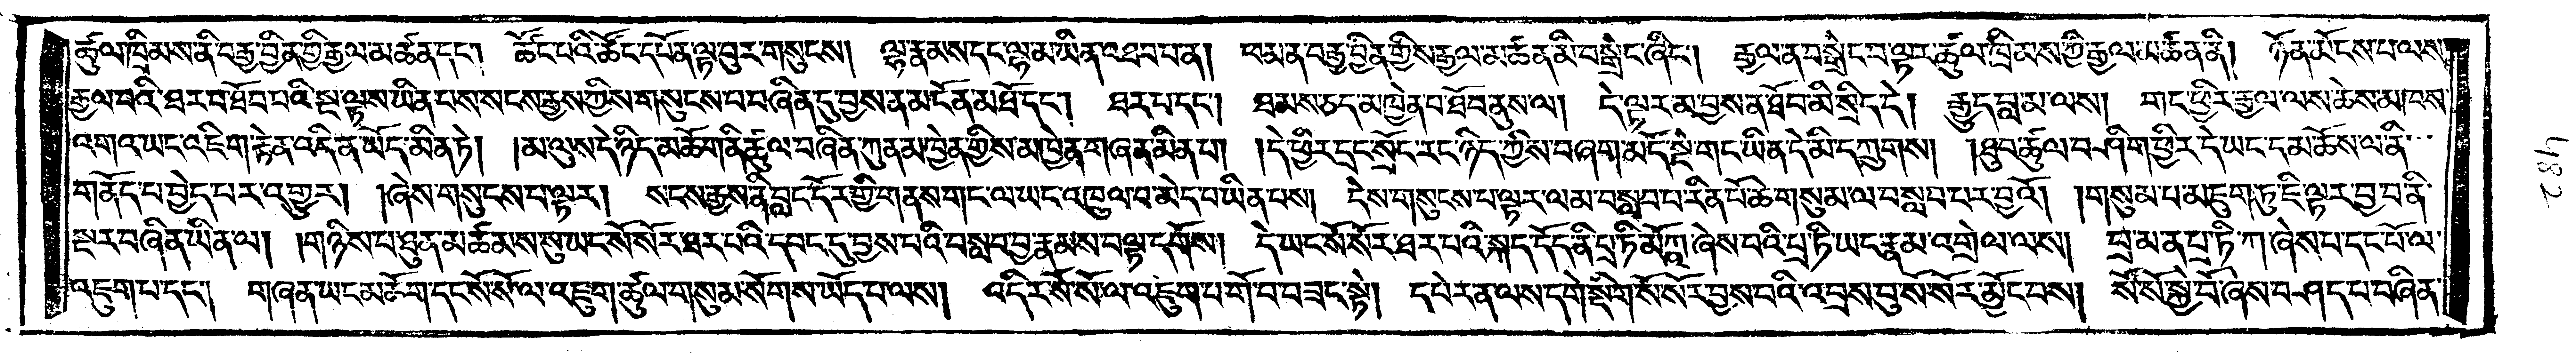ཚུལ་ཁྲིམས་ནི་བརྒྱ་བྱིན་གྱི་རྒྱལ་མཚན་དང་། ཚོང་པའི་ཚོང་དཔོན་ལྟ་བུར་གསུངས། ལྷ་རྣམས་དང་ལྷ་མ་ཡིན་འཐབ་པ་ན། ཕམ་ན་བརྒྱ་བྱིན་གྱིས་བརྒྱལ་མཚན་མི་བསྒྲེང་ཞིང་། རྒྱལ་ན་བསྒྲེང་བ་ལྟར་ཚུལ་ཁྲིམས་ཀྱི་རྒྱལ་མཚན་ནི། ཉོན་མོངས་པ་ལས་
རྒྱལ་བའི་ཐར་པ་ཐོབ་པའི་སྔ་ལྟས་ཡིན་པས་སངས་རྒྱས་ཀྱིས་གསུངས་པ་བཞིན་དུ་བྱས་ན་མངོན་མཐོ་དང་། ཐར་པ་དང་། ཐམས་ཅད་མཁྱེན་པ་ཐོབ་ནུས་ལ། དེ་ལྟར་མ་བྱས་ན་ཐོབ་མི་སྲིད་དེ། རྒྱུད་བླ་མ་ལས། གང་ཕྱིར་རྒྱལ་ལས་ཆེས་མཁས་
འགའ་ཡང་འཇིག་རྟེན་འདི་ན་ཡོད་མིན་ཏེ། །མ་ལུས་དེ་ཉིད་མཆོག་ནི་ཚུལ་བཞིན་ཀུན་མཁྱེན་གྱིས་མཁྱེན་གཞན་མིན་པ། །དེ་ཕྱིར་དྲང་སྲོང་རང་ཉིད་ཀྱིས་བཞག་མདོ་སྡེ་གང་ཡིན་དེ་མི་དཀྲུགས། །ཐུབ་ཚུལ་བཤིག་ཕྱིར་དེ་ཡང་དམ་ཆོས་ལ་ནི་
གནོད་པ་བྱེད་པར་འགྱུར། །ཞེས་གསུངས་པ་ལྟར། སངས་རྒྱས་ནི་བླང་དོར་གྱི་གནས་གང་ལ་ཡང་འཁྱལ་བ་མེད་པ་ཡིན་པས། ངེས་གསུངས་པ་ལྟར་ལམ་བསླབ་པ་རིན་པོ་ཆེ་གསུམ་ལ་བསླབ་པར་བྱའོ། །གསུམ་པ་མཇུག་ཏུ་ཇི་ལྟར་བྱ་བ་ནི་
སྔར་བཞིན་ཡིན་ལ། །གཉིས་པ་ཐུན་མཚམས་སུ་ཡང་སོ་སོར་ཐར་པའི་དབང་དུ་བྱས་པའི་བསླབ་བྱ་རྣམས་བལྟ་དགོས། དེ་ཡང་སོ་སོར་ཐར་པའི་སྐད་དོད་ནི་བྲ་ཏི་མོཀྵ་ཞེས་བའི་པྲ་ཏི་ཡང་རྣམ་འགྲེལ་ལས། པྲ་མ་ན་པྲ་ཏི་ཀ་ཞེས་པ་དང་པོ་ལ་
འཇུག་པ་དང་། གཞན་ཡང་མཆོག་དང་སོ་སོ་ལ་འཇུག་ཚུལ་གསུམ་སོགས་ཡོད་པ་ལས། འདིར་སོ་སོ་ལ་འཇུག་པ་གོ་བ་བཟང་སྟེ། དཔེར་ན་ལས་དགེ་སྡིག་སོ་སོར་བྱས་པའི་འབྲས་བུ་སོ་སོར་མྱོང་བས། སོ་སོ་སྐྱེ་བོ་ཞེས་བཤད་པ་བཞིན་